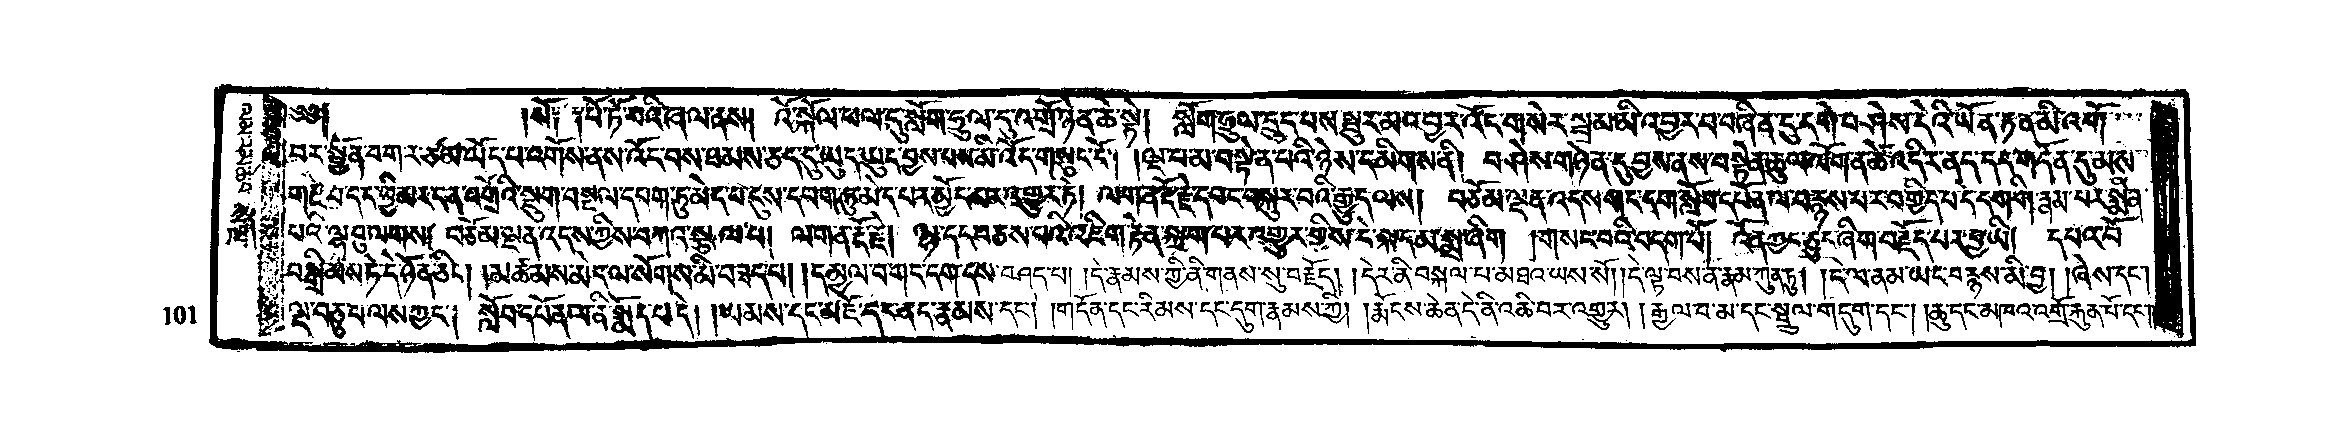༄༅། །སོ༑ ༑པོ་ཏོ་བའི་ཞལ་ནས། འོ་སྐོལ་ཕལ་དུ་སློག་ཧྲུལ་དུ་འགྲོ་ཉེན་ཆེ་སྟེ། སློག་ཧྲུལ་དྲུད་པས་སྦུར་མ་འབྱར་འོང་གསེར་སྦྲམ་མི་འབྱར་བ་བཞིན་དུ་དགེ་བཤེས་དེའི་ཡོན་ཏན་མི་འགོ་
བར་སྐྱོན་བག་རེ་ཙམ་ཡོད་པ་འགོས་ནས་འོང་བས་ཐམས་ཅད་དུ་ཡུད་ཡུད་བྱས་པས་མི་འོང་གསུང་ངོ། །ལྔ་པ་མ་བསྟེན་པའི་ཉེས་དམིགས་ནི། བཤེས་གཉེན་དུ་བྱས་ནས་བསྟེན་ཚུལ་ལོག་ན་ཚེ་འདིར་ནད་དང་གདོན་དུ་མས་
གཙེ་བ་དང་ཕྱི་མར་ངན་འགྲོའི་སྡུག་བསྔལ་དཔག་ཏུ་མེད་པ་དུས་དཔག་ཏུ་མེད་པར་མྱོང་བར་འགྱུར་ཏེ། ལག་ན་རྡོ་རྗེ་དབང་བསྐུར་བའི་རྒྱུད་ལས། བཅོམ་ལྡན་འདས་གང་དག་སློབ་དཔོན་ལ་བརྙས་པར་བགྱིད་པ་དེ་དག་གི་རྣམ་པར་སྨིན་
པ་ཇི་ལྟ་བུ་ལགས། བཅོམ་ལྡན་འདས་ཀྱིས་བཀའ་སྩལ་པ། ལག་ན་རྡོ་རྗེ། ལྷ་དང་བཅས་པའི་འཇིག་རྟེན་སྐྲག་པར་འགྱུར་གྱིས་དེ་སྐད་མ་སྨྲ་ཞིག །གསང་བའི་བདག་པོ། འོན་ཀྱང་ཅུང་ཞིག་བརྗོད་པར་བྱ་ཡི། དཔའ་བོ་
བསྒྲིམས་ཏེ་དེ་ཉོན་ཅིག །མཚམས་མེད་ལ་སོགས་མི་བཟད་པ། །དམྱལ་བ་གང་དག་ངས་བཤད་པ། །དེ་རྣམས་ཀྱི་ནི་གནས་སུ་བརྗོད། །དེར་ནི་བསྐལ་པ་མཐའ་ཡས་སོ། །དེ་ལྟ་བས་ན་རྣམ་ཀུན་ཏུ། །དེ་ལ་ནམ་ཡང་བརྙས་མི་བྱ། །ཞེས་དང་།
ལྔ་བཅུ་པ་ལས་ཀྱང་། སློབ་དཔོན་ལ་ནི་སྨོད་པ་དེ། །ཡམས་དང་མཇོ་དང་ནད་རྣམས་དང་། །གདོན་དང་རིམས་དང་དུག་རྣམས་ཀྱིས། །རྨོངས་ཆེན་དེ་ནི་འཆི་བར་འགྱུར། །རྒྱལ་པོ་མེ་དང་སྦྲུལ་གདུག་དང་། །ཆུ་དང་མཁའ་འགྲོ་རྐུན་པོ་དང།།